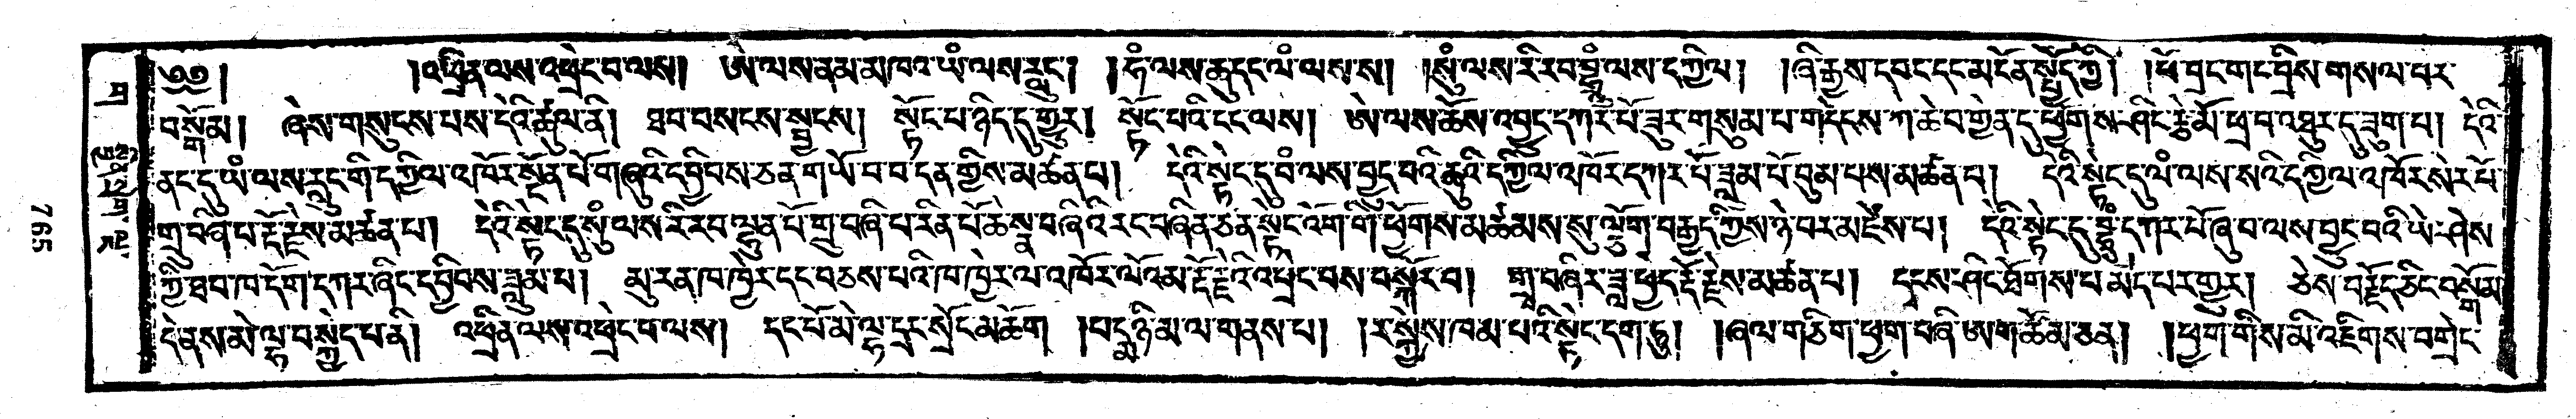༄༅། །འཕྲིན་ལས་འཕྲེང་བ་ལས། ཨེ་ལས་ནམ་མཁའ་ཡཾ་ལས་རླུང་། །ཧཾ་ལས་ཆུ་དང་ལཾ་ལས་ས། །སུཾ་ལས་རི་རབ་བྷྲཱུཾ་ལས་དཀྱིལ། །ཞི་རྒྱས་དབང་དང་མངོན་སྤྱོད་ཀྱི། །ཕོ་བྲང་གང་བྲིས་གསལ་བར་
བསྒོམ། ཞེས་གསུངས་པས་དེའི་ཚུལ་ནི། ཐབ་བསངས་སྦྱངས། སྟོང་པ་ཉིད་དུ་གྱུར། སྟོང་པའི་ངང་ལས། ཨེ་ལས་ཆོས་འབྱུང་དཀར་པོ་ཟུར་གསུམ་པ་གདེངས་ཀ་ཆེ་བ་གྱེན་དུ་ཕྱོགས་ཤིང་རྩེ་མོ་ཕྲ་བ་འཐུར་དུ་ཟུག་པ། དེའི་
ནང་དུ་ཡཾ་ལས་རླུང་གི་དཀྱིལ་འཁོར་སྔོན་པོ་གཞུའི་དབྱིབས་ཅན་གཡོ་བ་བ་དན་གྱིས་མཚན་པ། དེའི་སྟེང་དུ་བཾ་ལས་བྱུང་བའི་ཆུའི་དཀྱིལ་འཁོར་དཀར་པོ་ཟླ་མ་པོ་བུམ་པས་མཚན་པ། དེའི་སྟེང་དུ་ལཾ་ལས་སའི་དཀྱིལ་འཁོར་སེར་པོ་
གྲུ་བཞི་པ་རྡོ་རྗེས་མཚན་པ། དེའི་སྟེང་དུ་སུཾ་ལས་རི་རབ་ལྷུན་པོ་གྲུ་བཞི་པ་རིན་པོ་ཆེ་སྣ་བཞིའི་རང་བཞིན་ཅན་སྟེང་འོག་གི་ཕྱོགས་མཚམས་སུ་ལྕོག་བརྒྱད་ཀྱིས་ཉེ་བར་མཛེས་པ། དེའི་སྟེང་དུ་བྷཱུཾ་དཀར་པོ་ཞུ་བ་ལས་བྱུང་བའི་ཡེ་ཤེས་
ཀྱི་ཐབ་ཁ་དོག་དཀར་ཞིང་དབྱིབས་ཟླུམ་པ། མུ་རན་ཁ་ཁྱེར་དང་བཅས་པའི་ཁ་ཁྱེར་ལ་འཁོར་ལོའམ་རྡོ་རྗེའི་འཕྲེང་བས་བསྐོར་བ། གྲྭ་བཞིར་ཟླ་ཕྱེད་རྡོ་རྗེས་མཚན་པ། དྭངས་ཤིང་ཐོགས་པ་མེད་པར་གྱུར། ཅེས་བརྗོད་ཅིང་བསྒོམ་
དེ་ནས་མེ་ལྷ་བསྐྱེད་པ་ནི། འཕྲིན་ལས་འཕྲེང་བ་ལས། དང་པོ་མེ་ལྷ་དྲང་སྲོང་མཆོག །པདམ་ཉི་མ་ལ་གནས་པ། །ར་སྐྱེས་ཁ་མ་པའི་སྟེང་དག་ཏུ། །ཞལ་གཅིག་ཕྱག་བཞི་ཨག་ཚོམ་ཅན། །ཕྱག་གིས་མི་འཇིགས་བགྲེང་